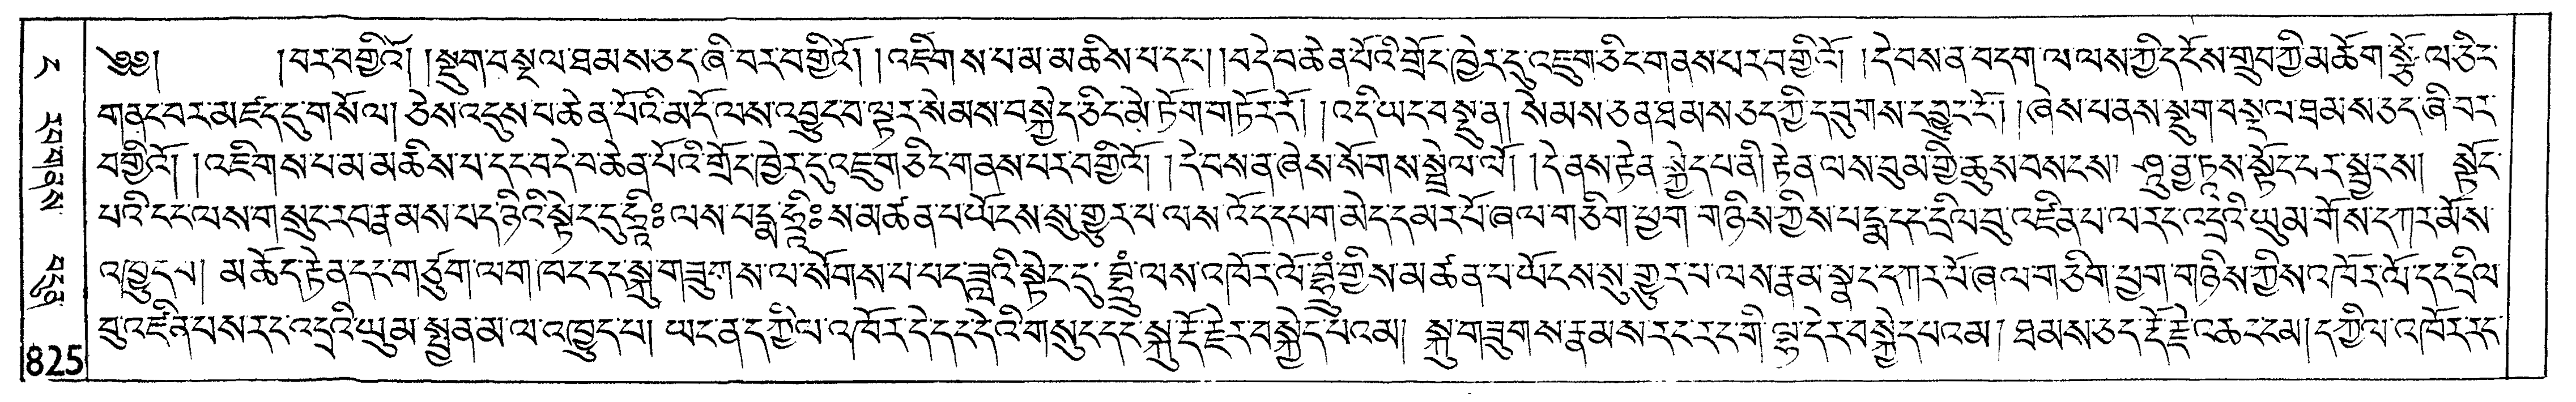༄༅། །བར་བགྱིའོ། །སྡུག་བསྔལ་ཐམས་ཅད་ཞི་བར་བགྱིའོ། །འཇིགས་པ་མ་མཆིས་པ་དང་། །བདེ་བ་ཆེན་པོའི་གྲོང་ཁྱེར་དུ་འཇུག་ཅིང་གནས་པར་བགྱིའོ། །དེ་བས་ན་བདག་ལ་ལས་ཀྱི་དངོས་གྲུབ་ཀྱི་མཆོག་སྩོལ་ཅིང་
གནང་བར་མཛད་དུ་གསོལ། ཅེས་འདུས་པ་ཆེན་པོའི་མདོ་ལས་འབྱུང་བ་ལྟར་སེམས་བསྐྱེད་ཅིང་མེ་ཏོག་གཏོར་རོ། །འདི་ཡང་བསྡུ་ན། སེམས་ཅན་ཐམས་ཅད་ཀྱི་དབུགས་དབྱུང་ངོ། །ཞེས་པ་ནས་སྡུག་བསྔལ་ཐམས་ཅད་ཞི་བར་
བགྱིའོ། །འཇིགས་པ་མ་མཆིས་པ་དང་བདེ་བ་ཆེན་པོའི་གྲོང་ཁྱེར་དུ་འཇུག་ཅིང་གནས་པར་བགྱིའོ། །དེ་བས་ན་ཞེས་སོགས་སྦྲེལ་ལོ། །དེ་ནས་རྟེན་སྐྱེད་པ་ནི། རྟེན་ལས་བུམ་གྱི་ཆུས་བསངས། ཤཱུ་ནྱ་ཏཱས་སྟོང་པར་སྦྱངས། སྟོང་
པའི་ངང་ལས་གསུང་རབ་རྣམས་པད་ཉིའི་སྟེང་དུ་ཧྲཱིཿ ལས་པདམ་ཧྲཱིཿ ས་མཚན་པ་ཡོངས་སུ་གྱུར་པ་ལས་འོད་དཔག་མེད་དམར་པོ་ཞལ་གཅིག་ཕྱག་གཉིས་ཀྱིས་པདམ་དང་དྲིལ་བུ་འཛིན་པ་ལ་རང་འདྲའི་ཡུམ་གོས་དཀར་མོས་
འཁྱུད་པ། མཆོད་རྟེན་དང་གཙུག་ལག་ཁང་དང་སྐུ་གཟུགས་ལ་སོགས་པ་པད་ཟླའི་སྟེང་དུ་བྷྲུཾ་ལས་འཁོར་ལོ་བྷྲུཾ་གྱིས་མཚན་པ་ཡོངས་སུ་གྱུར་པ་ལས་རྣམ་སྣང་དཀར་པོ་ཞལ་གཅིག་ཕྱག་གཉིས་ཀྱིས་འཁོར་ལོ་དང་དྲིལ་
བུ་འཛིན་པས་རང་འདྲའི་ཡུམ་སྤྱན་མ་ལ་འཁྱུད་པ། ཡང་ན་དཀྱིལ་འཁོར་དེ་དང་དེའི་གསུང་དང་སྐུ་རྡོ་རྗེར་བསྐྱེད་པའམ། སྐུ་གཟུགས་རྣམས་རང་རང་གི་ལྷ་དེར་བསྐྱེད་པའམ། ཐམས་ཅད་རྡོ་རྗེ་འཆང་ངམ། དཀྱིལ་འཁོར་རང་